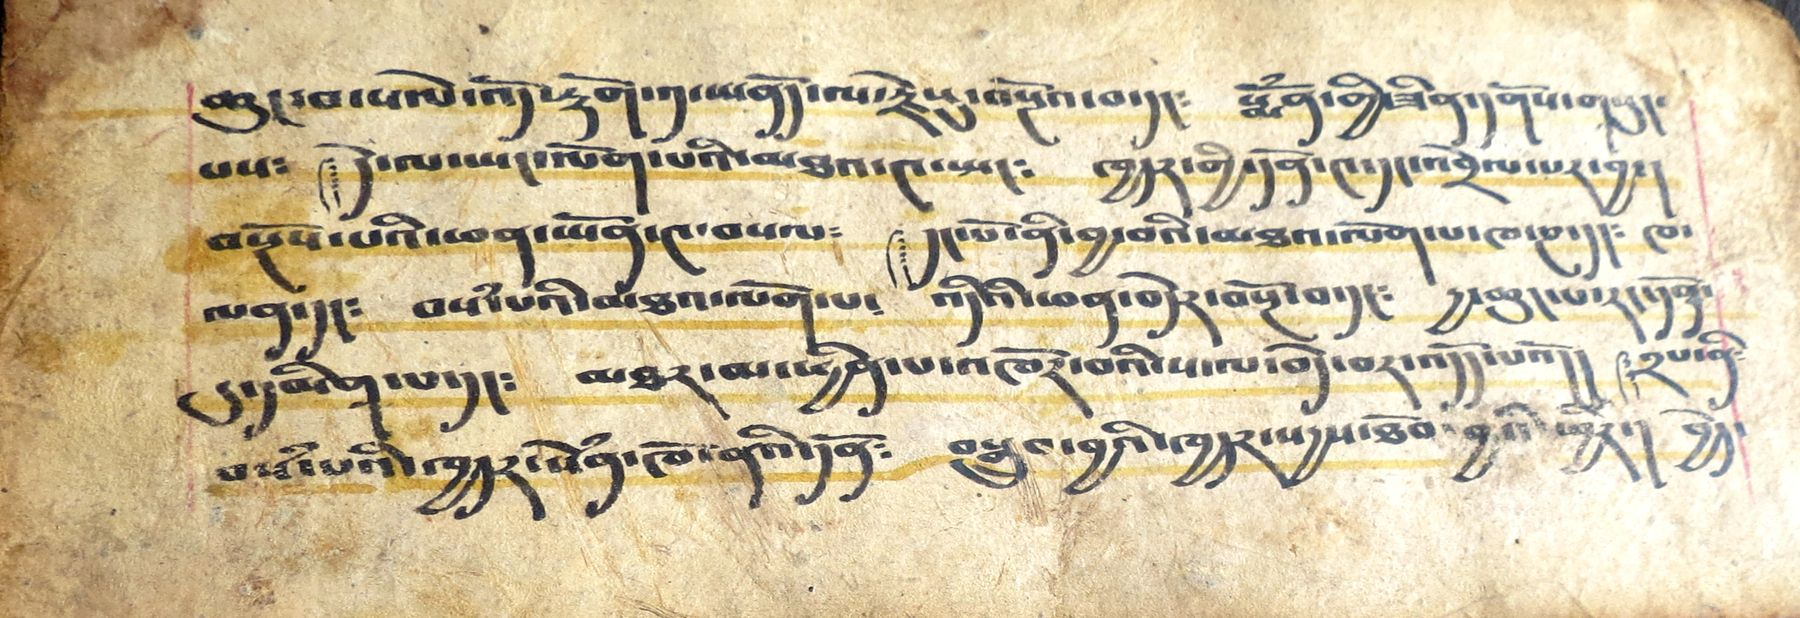ཆུང་བ་སལེ་འོད་རྡོག་གཅིག་ཡན་ཆོད་ལ། རྗེས་སུ་བསྔོ་བ་དང་། སྨོན་ལམ་གྱིས་ཟིན་དགོས་གསུངས་
པས། དེ་ལ་ཡང་ལོག་པའི་མཐའ་བཞི་སྤངས། ཁྱད་པར་གྱི་དོན་བཞི་དང་འབྲེལ་བར་བྱ། 
བསྔོ་བའི་ཕན་ཡོན་བཞི་བསམ། དང་པོ་ནི་བྱ་བའི་མཐའ་ལོག་པ་ཁ་མེད་དང་། ཁ་
ལན་དང་། བསམ་པའི་མཐའ་ལོག་པ་འདི་ཡི་ཕན་བདེར་བསྔོ་བ་དང་། རྒྱ་ཆུང་རང་དོན་
དུ་དམིགས་པ་དང་། མཐར་མ་ཕྱིན་པ་འཁོར་བའི་ས་ལ་བདེ་བར་འདོད་པའོ། གཉིས་པ་ནི། 
པས་པའི་ཁྱད་པར་སེམས་ཅན་ཁོ་ནའི་དོན། བསྒྲུབ་བྱའི་ཁྱད་པར་སངས་རྒྱས་ཐོབ་པའི་ཕྱིར། བྱེད་